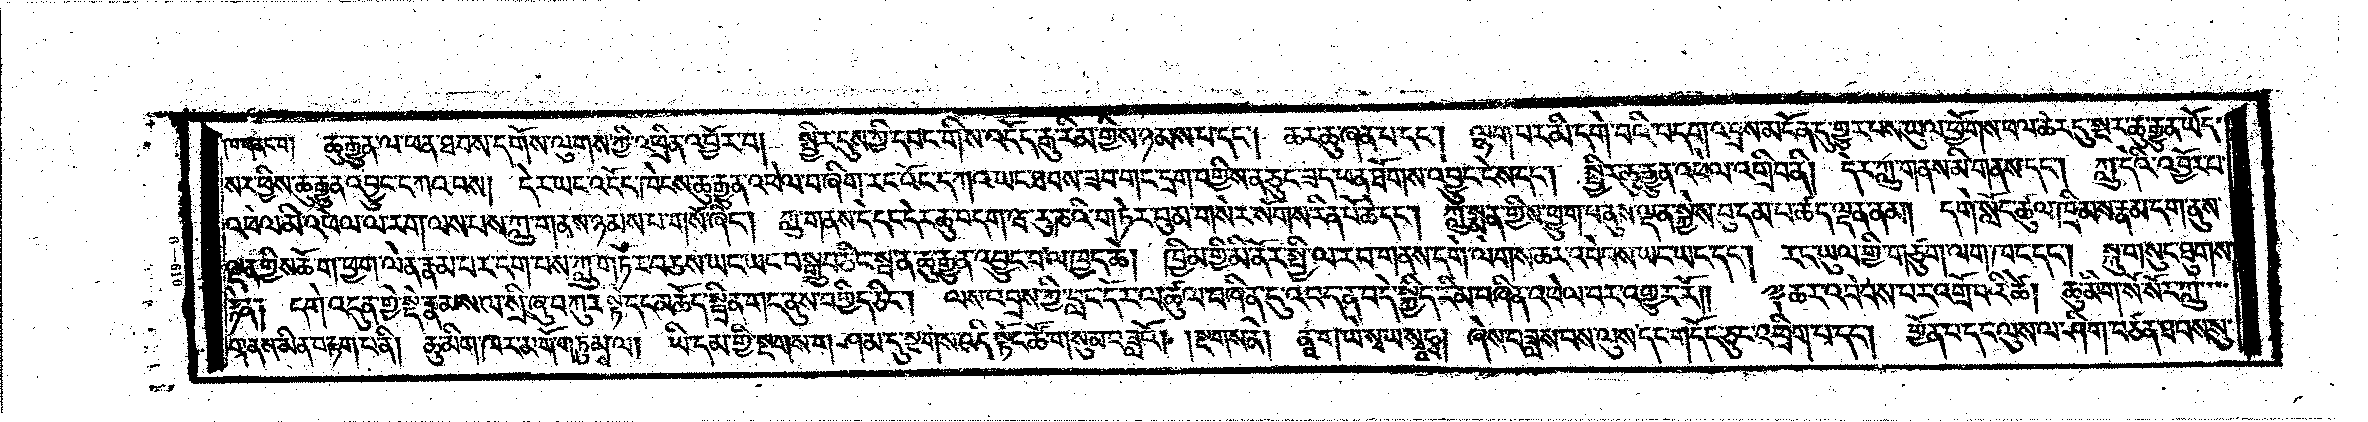ཁ་གནང་བ། ཆུ་རྒྱུན་ལ་ཕན་ཐབས་དགོས་ལུགས་ཀྱི་འཕྲིན་འབྱོར་བ། སྤྱིར་དུས་ཀྱི་དབང་གིས་འདོད་རྒུ་རིམ་གྱིས་ཉམས་པ་དང་། ཆར་ཆུ་ཞན་པ་དང་། ལྷག་པར་མི་དགེ་བའི་བདག་འབྲས་མངོན་དུ་གྱུར་པས་ཡུལ་ཕྱོགས་ཕལ་ཆེར་དུ་སྔར་ཆུ་རྒྱུན་ཡོད་
སར་ཕྱིས་ཆུ་རྒྱུན་འབྱུང་དཀའ་བས། དེར་ཡང་འདོད་ཁེངས་ཆུ་རྒྱུན་འཕེལ་བ་ཞིག་རང་འོང་དཀའ་ཡང་ཐབས་ཟབ་གང་དྲག་བགྱིས་ན་ཅུང་ཟད་ཕན་ཐོགས་འབྱུང་ངེས་དང་། སྤྱིར་ཆུ་རྒྱུན་འཕེལ་འགྲིབ་ནི། དེར་ཀླུ་གནས་མི་གནས་དང་། གླུ་དེའི་འབྱོར་པ་
འཕེལ་མི་འཕེལ་ལ་རག་ལས་པས་ཀླུ་གནས་ཉམས་པ་གསོ་ཞིང་། ཀླུ་གནས་དེ་དང་དེར་ཆུ་བདག་ཝ་རུ་ཎའི་གཏེར་བུམ་གསེར་སོགས་རིན་པོ་ཆེ་དང་། ཀླུ་སྨན་གྱིས་ཕྱུག་པ་ནུས་ལྡན་སྐྱེས་བུ་དམ་པ་ཚད་ལྡན་ནམ། དགེ་སློང་ཚུལ་ཁྲིམས་རྣམ་དག་ནུས་
ལྡན་གྱིས་ཆོ་ག་ཕྱག་ལེན་རྣམ་པར་དག་པས་ཀླུ་གཏོར་བཅས་ཡང་ཡང་བསྒྲུབ་ཅིང་སྦ་ན་ཆུ་རྒྱུན་འབྱུང་བ་ལ་ཁྱད་ཆེ། ཁྱིམ་གྱི་མི་ནོར་སྤྱི་ལ་རབ་གནས་དགེ་ལེགས་ཆར་འབེབས་ཡང་ཡང་དང་། རང་ཡུལ་གྱི་གཙུག་ལག་ཁང་དང་། སྐུ་གསུང་ཐུགས་
རྟེན༑ དགེ་འདུན་གྱི་སྡེ་རྣམས་ལ་སྲི་ཞུ་བཀུར་སྟེ་དང་མཆོད་སྦྲིན་གང་ནུས་བགྱིད་ཅིང་། ལས་འབྲས་ཀྱི་བླང་དོར་ལ་ཚུལ་བཞིན་དུ་འབད་ན་བདེ་སྐྱིད་རིམ་བཞིན་འཕེལ་བར་འགྱུར་རོ།། ༈ ཆར་འབེབས་པར་འགྲོ་བའི་ཚེ། ཆུ་མིག་སོ་སོར་ཀླུ་
གནས་མིན་བརྟག་པ་ནི། ཆུ་མིག་ཁར་མགོ་གཏུམས་ལ། ཡི་དམ་གྱི་སྔགས་གཤམ་དུ་སྔགས་འདི་སྟོང་ཚོ་གསུམ་བཟླའོ། །སྔགས་ནི། ནཱ་ག་ཡེ་སྭ་ཡ་སྭཱཧཱ། ཞེས་བཟླས་བས་ལུས་དང་གདོང་ཅུང་འཕྲིག་པ་དང་། གྱོན་པ་དང་ལུས་ལ་ཤིག་བཙན་ཐབས་སུ་